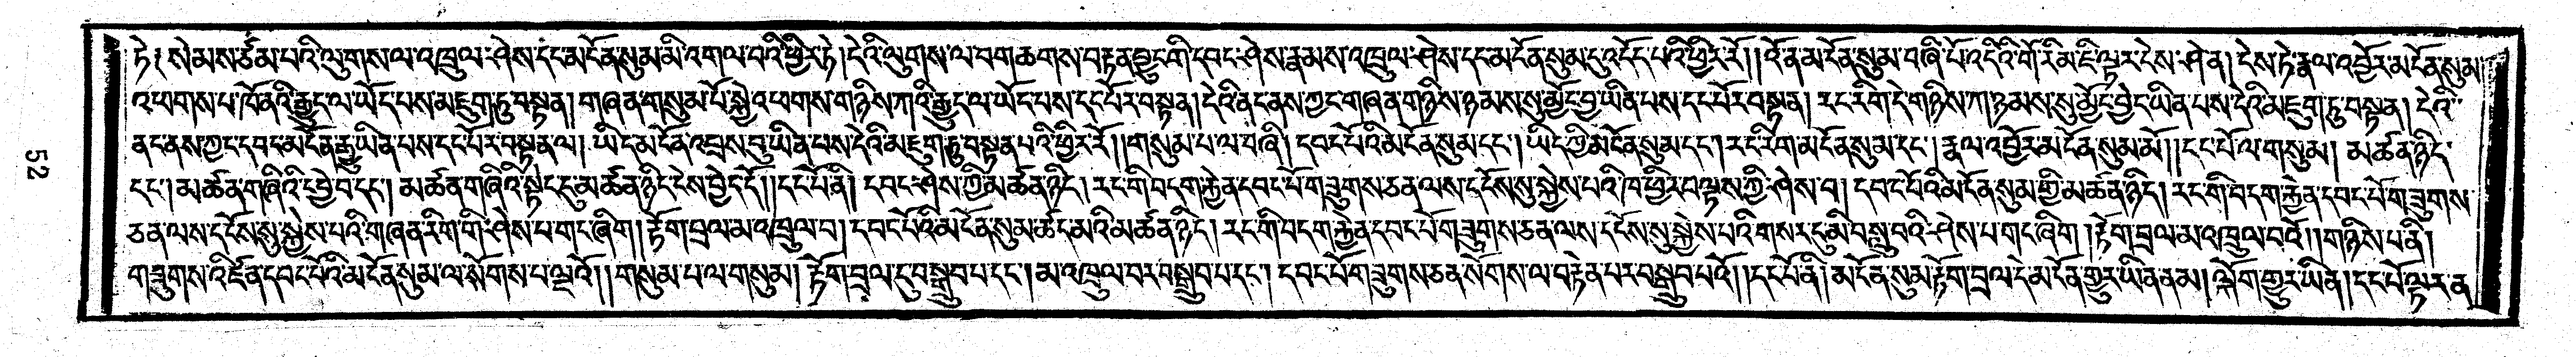ཏེ༑ སེམས་ཙམ་པའི་ལུགས་ལ་འཁྲུལ་ཤེས་དང་མངོན་སུམ་མི་འགལ་བའི་ཕྱིར་ཏེ། དེའི་ལུགས་ལ་བག་ཆགས་བརྟན་བྱུང་གི་དབང་ཤེས་རྣམས་འཁྲུལ་ཤེས་དང་མངོན་སུམ་དུ་འདོད་པའི་ཕྱིར་རོ། །འོ་ན་མངོན་སུམ་བཞི་པོ་འདིའི་གོ་རིམ་ཇི་ལྟར་ངེས་ཤེ་ན། ངེས་ཏེ་རྣལ་འབྱོར་མངོན་སུམ་
འཕགས་པ་ཁོ་ནའི་རྒྱུད་ལ་ཡོད་པས་མཇུག་ཏུ་བསྟན། གཞན་གསུམ་པོ་སྐྱེ་འཕགས་གཉིས་ཀའི་རྒྱུད་ལ་ཡོད་པས་དང་པོར་བསྟན། དེའི་ནང་ནས་ཀྱང་གཞན་གཉིས་ཉམས་སུ་མྱོང་བྱ་ཡིན་པས་དང་པོར་བསྟན། རང་རིག་དེ་གཉིས་ཀ་ཉམས་སུ་མྱོང་བྱེད་ཡིན་པས་དེའི་མཇུག་ཏུ་བསྟན། དེའི་
ནང་ནས་ཀྱང་དབང་མངོན་རྒྱུ་ཡིན་པས་དང་པོར་བསྟན་ལ། ཡིད་མངོན་?་འབྲས་བུ་ཡིན་པས་དེའི་འཇུག་ཏུ་བསྟན་པའི་ཕྱིར་རོ། །གསུམ་པ་ལ་བཞི། དབང་པོའི་མངོན་སུམ་དང་། ཡིད་ཀྱི་མངོན་སུམ་དང་། རང་རིག་མངོན་སུམ་དང་། རྣལ་འབྱོར་མངོན་སུམ་མོ། །དང་པོ་ལ་གསུམ། མཚན་ཉིད་
དང་། མཚན་གཞིའི་དབྱེ་བ་དང་། མཚན་གཞིའི་སྟེང་དུ་མཚན་ཉིད་ངེས་བྱེད་དོ། །དང་པོ་ནི། དབང་ཤེས་ཀྱི་མཚན་ཉིད། རང་གི་བདག་རྐྱེན་དབང་པོ་གཟུགས་ཅན་ལས་དངོས་སུ་སྐྱེས་པའི་ཁ་ཕྱིར་བལྟས་ཀྱི་ཤེས་པ། དབང་པོའི་མངོན་སུམ་གྱི་མཚན་ཉིད། རང་གི་བདག་རྐྱེན་དབང་པོ་གཟུགས་
ཅན་ལས་དངོས་སུ་སྐྱེས་པའི་གཞན་རིག་གི་ཤེས་པ་གང་ཞིག །རྟོག་བྲལ་མ་འཁྲུལ་བ། དབང་པོའི་མངོན་སུམ་ཚད་མའི་མཚན་ཉིད། རང་གི་བདག་རྐྱེན་དབང་པོ་གཟུགས་ཅན་ལས་དངོས་སུ་སྐྱེས་པའི་གསར་དུ་མི་བསླུ་བའི་ཤེས་པ་གང་ཞིག །རྟོག་བྲལ་མ་འཁྲུལ་བའོ། །གཉིས་པ་ནི།
གཟུགས་འཛིན་དབང་པོའི་མངོན་སུམ་ལ་སོགས་པ་ལྔའོ། །གསུམ་པ་ལ་གསུམ། རྟོག་བྲལ་དུ་བསྒྲུབ་པ་དང་། མ་འཁྲུལ་བར་བསྒྲུབ་པ་དང་། དབང་པོ་གཟུགས་ཅན་སོགས་ལ་བརྟེན་པར་བསྒྲུབ་པའོ། །དང་པོ་ནི། མངོན་སུམ་རྟོག་བྲལ་དེ་མངོན་གྱུར་ཡིན་ནམ། ལྐོག་གྱུར་ཡིན། དང་པོ་ལྟར་ན་